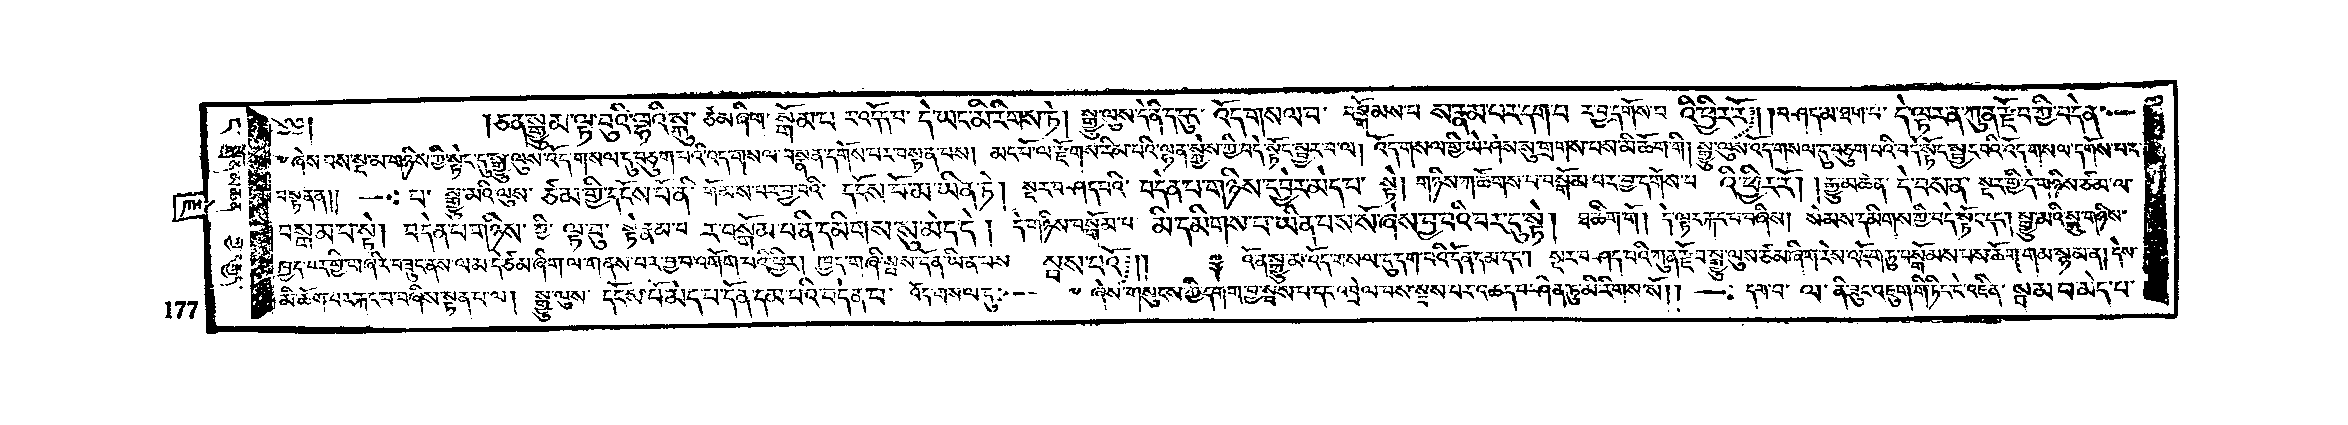༄༅། །ཅན་སྒྱུ་མ་ལྟ་བུའི་ལྷའི་སྐུ་ཙམ་ཞིག་སྒོམ་པར་འདོད་པ་དེ་ཡང་མི་རིགས་ཏེ། སྒྱུ་ལུས་དེ་ནི་ད་དུང་འོད་གསལ་བ་བསྒོམས་པས་རྣམ་པར་དག་པར་བྱ་དགོས་པའི་ཕྱིར་རོ། །བཤད་མ་ཐག་པ་དེ་ལྟར་ན་ཀུན་རྫོབ་ཀྱི་བདེནཿ
༧་ཞེས་པས་སྔ་མ་གཉིས་ཀྱི་སྟེང་དུ་སྒྱུ་ལུས་འོད་གསལ་དུ་བཅུག་པའི་འོད་གསལ་བསྣན་དགོས་པར་བསྟན་པས། མང་པོ་ལ་རྫོགས་རིམ་པའི་ལྷན་སྐྱེས་ཀྱི་བདེ་སྟོང་སྦྱར་བ་ལ། འོད་གསལ་གྱི་ཡེ་ཤེས་སུ་གྲགས་པས་མི་ཆོག་གི །སྒྱུ་ལུས་འོད་གསལ་དུ་བཅུག་པའི་བདེ་སྟོང་སྦྱར་བའི་འོད་གསལ་དགོས་པར་
བསྟན་ན།། .H པ་སྒྱུ་མའི་ལུས་ཙམ་གྱི་དངོས་པོ་ནི་གོམས་པར་བྱ་བའི་དངོས་པོ་མ་ཡིན་ཏེ། སྔར་བཤད་པའི་བདེན་པ་གཉིས་དབྱེར་མེད་པ་སྟེ། གཉིས་ཀ་ཚོགས་པ་བསྒོམ་པར་བྱ་དགོས་པའི་ཕྱིར་རོ། །རྒྱུ་མཚན་དེ་བས་ན་སྔར་གྱི་དེ་གཉིས་ཙམ་ལ
བསྒོམ་པ་སྟེ། བདེན་པ་གཉིས་ཀྱི་ལྟ་བུ་སྟེ་རྣམ་པར་བསྒོམ་པ་ནི་དམིགས་སུ་མེད་དེ། དེ་གཉིས་བསྒོམ་པ་མི་དམིགས་པ་ཡིན་པས་སོ་ཞེས་བྱ་བའི་བར་དུ་སྟེ། ཐ་ཚིག་གོ །དེ་ལྟར་རྐང་པ་བཞིས། སེམས་དམིགས་ཀྱི་བདེ་སྟོང་དང་། སྒྱུ་མའི་སྐུ་གཉིས་
ཁྱད་པར་གྱི་གཞིར་བཟུང་ནས་ལམ་དེ་ཙམ་ཞིག་ལ་གནས་པར་བྱ་བ་འགོག་པའི་ཕྱིར། ཁྱད་གཞི་སྦས་དོན་ཡིན་པས་སྦས་པའོ།། ༈ འོ་ན་སྒྱུ་མ་འོད་གསལ་དུ་དག་པའི་དོན་དམ་དང་། སྔར་བཤད་པའི་ཀུན་རྫོབ་སྒྱུ་ལུས་ཙམ་ཞིག་རེས་འཇོག་ཏུ་བསྒོམས་པས་ཆོག་གམ་སྙམ་ན། དེས་
མི་ཆོག་པར་རྐང་པ་བཞིས་སྟོན་པ་ལ། སྒྱུ་ལུས་དངོས་པོ་མེད་པ་དོན་དམ་པའི་བདེན་པ་འོད་གསལ་དུ་H.་༧་ཞེས་གསུངས་ཀྱི་དགག་བྱ་སྦས་པ་དང་འབྲེལ་བས་སྦས་པར་འཆད་པ་ཤིན་ཏུ་མི་རིགས་སོ།། .H དག་པ་ལ་ནི་ཟུང་འཇུག་གི་ཏིང་ངེ་འཛིན་སྒོམ་པ་མེད་པ་